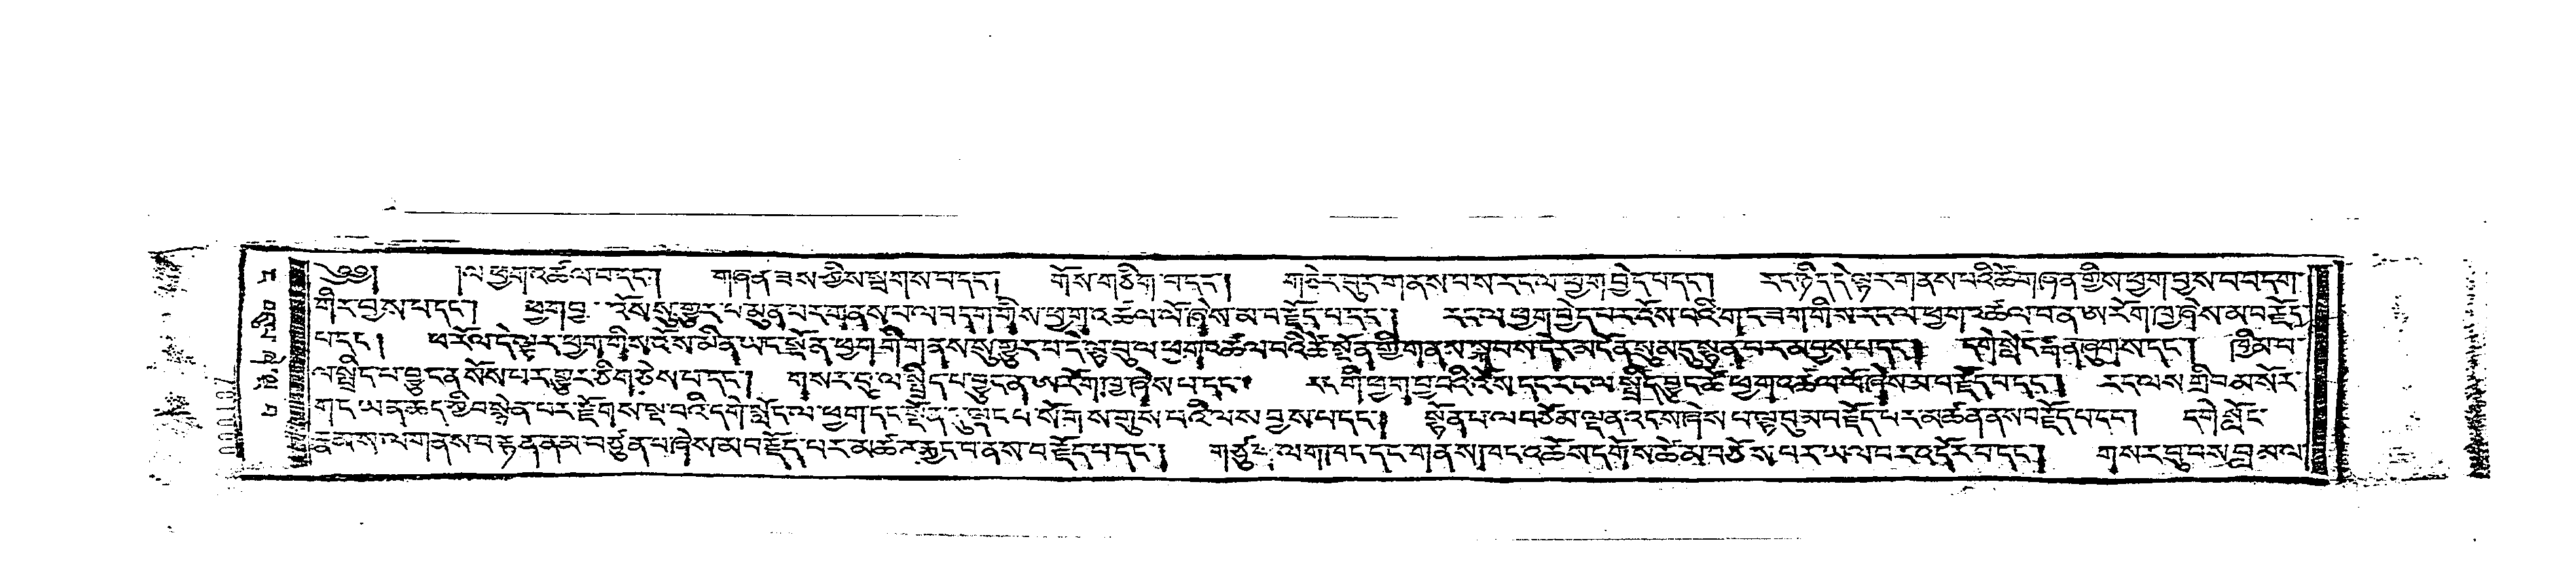༄༅། །ལ་ཕྱག་འཚལ་བ་དང་། གཞན་ཟས་ཀྱིས་སྤགས་པ་དང་། གོས་གཅིག་པ་དང་། གཅེར་བུར་གནས་པས་རང་ལ་ཕྱག་བྱེད་པ་དང་། རང་ཉིད་དེ་ལྟར་གནས་པའི་ཚེ་གཞན་གྱིས་ཕྱག་བྱས་པ་བདག་
གིར་བྱས་པ་དང་། ཕྱག་བྱ་འོས་སུ་གྱུར་པ་མུན་པར་གནས་པ་ལ་བདག་གིས་ཕྱག་འཚལ་ལོ་ཞེས་མ་བརྗོད་པ་དང་། རང་ལ་ཕྱག་བྱེད་པར་འོས་པའི་གང་ཟག་གིས་རང་ལ་ཕྱག་འཚལ་བ་ན་ཨ་རོག་ཁྱ་ཞེས་མ་བརྗོད་
པ་དང་། ཕ་རོལ་དེ་ལྟར་ཕྱག་གིས་འོས་མིན་ཡང་སྔོན་ཕྱག་གི་གནས་སུ་གྱུར་པ་དེ་ལྟ་བུ་ལ་ཕྱག་འཚལ་བའི་ཚེ་སྔོན་གྱི་གནས་སྐབས་དེར་མངོན་སུམ་དུ་སྟན་པར་མ་བྱས་པ་དང་། དགེ་སློང་རྒན་ཞུགས་དང་། ཁྱིམ་པ་
ལ་སྤྲིད་པ་བྱུང་ན་སོས་པར་གྱུར་ཅིག་ཅེས་པ་དང་། གསར་བུ་ལ་སྤྲིད་པ་བྱུང་ན་ཨ་རོག་ཁྱ་ཞེས་པ་དང་། རང་གི་ཕྱག་བྱ་བའི་འོས་དང་རང་ལ་སྤྲིད་བྱུང་ཚེ་ཕྱག་འཚལ་ལོ་ཞེས་མ་བརྗོད་པ་དང་། རང་ལས་གྲིབ་མ་སོར་
གང་ཡན་ཆད་ཀྱི་བསྙེན་པར་རྫོགས་སྔ་བའི་དགེ་སློང་ལ་ཕྱག་དང་སྔོན་དུ་ལྡང་པ་སོགས་གུས་པའི་ལས་བྱས་པ་དང་། སྟོན་པ་ལ་བཅོམ་ལྡན་འདས་ཞེས་པ་ལྟ་བུ་མ་བརྗོད་པར་མཚན་ནས་བརྗོད་པ་དང་། དགེ་སློང་
རྣམས་ལ་གནས་བརྟན་ནམ་བཙུན་པ་ཞེས་མ་བརྗོད་པར་མཚན་རྐྱང་བ་ནས་བརྗོད་པ་དང་། གཙུག་ལག་ཁང་དང་གནས་ཁང་འཆོས་དགོས་ཚེ་མ་བཅོས་པར་ཡལ་བར་འདོར་བ་དང་། གསར་བུ་བས་བླ་མ་ལ་